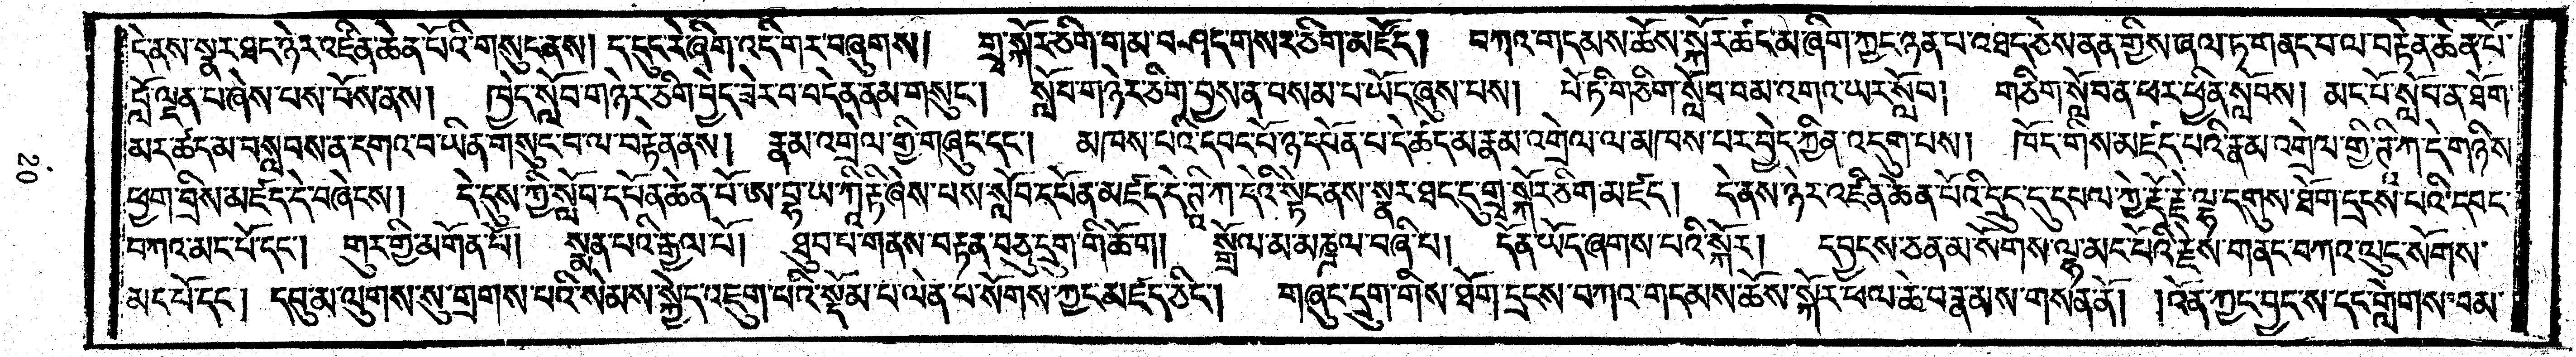དེ་ནས་སྣར་ཐང་ཉེར་འཛིན་ཆེན་པོའི་གསུང་ནས། ད་དུང་རེ་ཞིག་འདི་གར་བཞུགས། གྲྭ་སྐོར་ཅིག་གམ་བཤད་གསར་ཅིག་མཛོད། བཀའ་གདམས་ཆོས་སྐོར་ཚང་མ་ཞིག་ཀྱང་ཉན་པ་འཐད་ཅེས་ནན་གྱིས་ཞལ་ཏ་གནང་བ་ལ་བརྟེན་ཆེན་པོ་
བློ་ལྡན་པ་ཞེས་པས་བོས་ནས། ཁྱེད་སློབ་གཉེར་ཅིག་བྱེད་ཟེར་བ་བདེན་ནམ་གསུང་། སློབ་གཉེར་ཅིག་བྱས་ན་བསམ་པ་ཡོད་ཞུས་པས། པོ་ཏི་གཅིག་སློབ་བམ་འགའ་ཡར་སློབ། གཅིག་སློབ་ན་ཕར་ཕྱིན་སློབས། མང་པོ་སློབ་ན་ཐོག་
མར་ཚད་མ་བསླབས་ན་དགའ་བ་ཡིན་གསུང་བ་ལ་བརྟེན་ནས། རྣམ་འགྲེལ་གྱི་གཞུང་དང་། མཁས་པའི་དབང་པོ་ཉ་དཔོན་པ་དེ་ཚད་མ་རྣམ་འགྲེལ་ལ་མཁས་པར་བྱེད་ཀྱིན་འདུག་པས། ཁོང་གིས་མཛད་པའི་རྣམ་འགྲེལ་གྱི་ཊཱི་ཀ་དེ་གཉིས་
ཕྱག་བྲིས་མཛད་དེ་བཞེངས། དེ་དུས་ཀྱི་སློབ་དཔོན་ཆེན་པོ་ཨ་བྷ་ཡ་ཀཱི་རྟི་ཞེས་པས་སློབ་དཔོན་མཛད་དེ་ཊཱི་ཀ་དེའི་སྟེང་ནས་སྣར་ཐང་དུ་གྲྭ་སྐོར་ཅིག་མཛད། དེ་ནས་ཉེར་འཛིན་ཆེན་པོའི་དྲུང་དུ་དཔལ་ཀྱེ་རྡོ་རྗེ་ལྷ་དགུས་ཐོག་དྲངས་པའི་དབང་
བཀའ་མང་པོ་དང་། གུར་གྱི་མགོན་པོ། སྨན་པའི་རྒྱལ་པོ། ཐུབ་པ་གནས་བརྟན་བཅུ་དྲུག་གི་ཆོ་ག། སྒྲོལ་མ་མཎྜལ་བཞི་པ། དོན་ཡོད་ཞགས་པའི་སྐོར། དབྱངས་ཅན་མ་སོགས་ལྷ་མང་པོའི་རྗེས་གནང་བཀའ་ལུང་སོགས་
མང་པོ་དང་། དབུ་མ་ལུགས་སུ་གྲགས་པའི་སེམས་སྐྱེད་འཇུག་པའི་སྡོམ་པ་ལེན་པ་སོགས་ཀྱང་མཛད་ཅིང་། གཞུང་དྲུག་གིས་ཐོག་དྲངས་བཀའ་གདམས་ཆོས་སྐོར་ཕལ་ཆེ་བ་རྣམས་གསན་ནོ། །འོན་ཀྱང་བྱང་ས་དང་གླེགས་བམ་